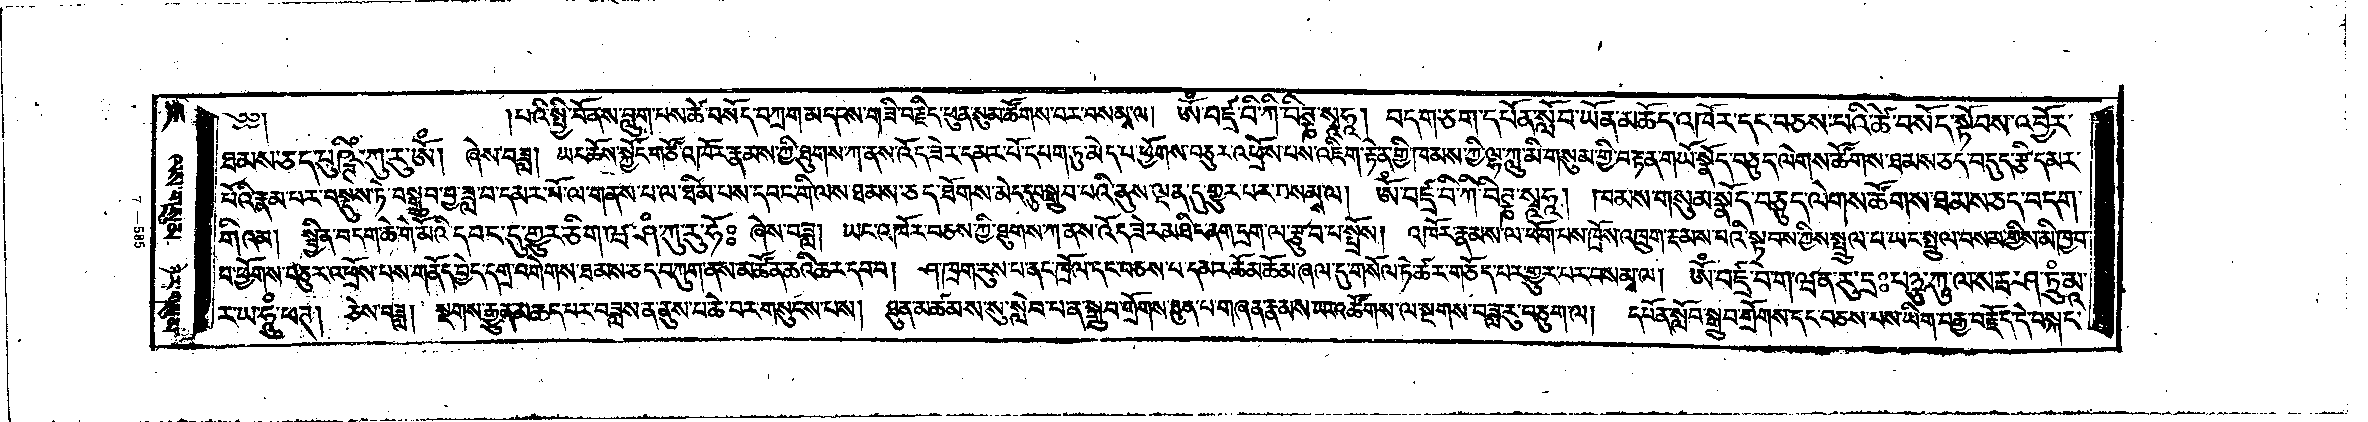༄༅། །པའི་སྤྱི་བོ་ནས་བླུགས་པས་ཚེ་བསོད་བཀྲག་མདངས་གཟི་བརྗིད་ཕུན་སུམ་ཚོགས་པར་བསམས་ལ། ཨོཾ་བཛྲ་བི་ཀི་བིཊྞ་སྭཱཧཱ། བདག་ཅག་དཔོན་སློབ་ཡོན་མཆོད་འཁོར་དང་བཅས་པའི་ཚེ་བསོད་སྟོབས་འབྱོར་
ཐམས་ཅད་པུཥྚིཾ་ཀུ་རུ་ཨོཾ། ཞེས་བཟླ། ཡང་ཆོས་སྐྱོང་གཙོ་འཁོར་རྣམས་ཀྱི་ཐུགས་ཀ་ནས་འོད་ཟེར་དམར་པོ་དཔག་ཏུ་མེད་པ་ཕྱོགས་བཅུར་འཕྲོས་པས་འཇིག་རྟེན་གྱི་ཁམས་ཀྱི་ལྷ་ཀླུ་མི་གསུམ་གྱི་བརྟན་གཡོ་སྣོད་བཅུད་ལེགས་ཚོགས་ཐམས་ཅད་བདུད་རྩི་དམར་
པོའི་རྣམ་པར་བསྡུས་ཏེ་བསྒྲུབ་བྱ་ཟླ་བ་དམར་པོ་ལ་གནས་པ་ལ་ཐིམ་པས་དབང་གི་ལས་ཐམས་ཅད་ཐོགས་མེད་དུ་བསྒྲུབ་པའི་ནུས་ལྡན་དུ་གྱུར་པར་བསམས་ལ། ཨོཾ་བཛྲ་བི་ཀི་བིཊྞ་སྭཱཧཱ། ཁམས་གསུམ་སྣོད་བཅུད་ལེགས་ཚོགས་ཐམས་ཅད་བདག་
གིའམ། སྦྱིན་བདག་ཆེ་གེ་མོའི་དབང་དུ་གྱུར་ཅིག་ཝ་ཤཾ་ཀུ་རུ་ཧོཿ ཞེས་བཟླ། ཡང་འཁོར་བཅས་ཀྱི་ཐུགས་ཀ་ནས་འོད་ཟེར་མཐིང་ནག་དྲག་ལ་རྩུབ་པ་སྤྲོས། འཁོར་རྣམས་ལ་ཕོག་པས་ཁྲོས་འཁྲུག་རྔམས་པོའི་སྟབས་ཀྱིས་སྤྲུལ་པ་ཡང་སྤྲུལ་བསམ་གྱིས་མི་ཁྱབ་
པ་ཕྱོགས་བཅུར་འཕྲོས་པས་གནོད་བྱེད་དགྲ་བགེགས་ཐམས་ཅད་བཀུག་ནས་མཚོན་ཆའི་ཆར་དབབ། ཤ་ཁྲག་རུས་པ་ནང་ཁྲོལ་དང་བཅས་པ་དམར་ཆོམ་ཆོམ་ཞལ་དུ་གསོལ་ཏེ་ཚར་གཅོད་པར་གྱུར་པར་བསམས་ལ། ཨོཾ་བཛྲ་བེ་ག་ཝན་རུ་དྲཿཔཉྩ་ཀུ་ལ་སརྦ་ཤ་ཏྲུཾ་མཱ་
ར་ཡ་ཧཱུཾ་ཕཌ། ཅེས་བཟླ། སྔགས་རྒྱུན་མཆད་པར་བཟླས་ན་ནུས་པ་ཆེ་བར་གསུངས་པས། ཐུན་མཚམས་སུ་སླེབ་པ་ན་སྒྲུབ་གྲོགས་ཐུན་པ་གཞན་རྣམས་ཡར་འཚོགས་ལ་སྔགས་བཟླ་རུ་བཅུག་ལ། དཔོན་སློབ་སྒྲུབ་གྲོགས་དང་བཅས་པས་ཡིག་བརྒྱ་བརྗོད་དེ་བསྐང་